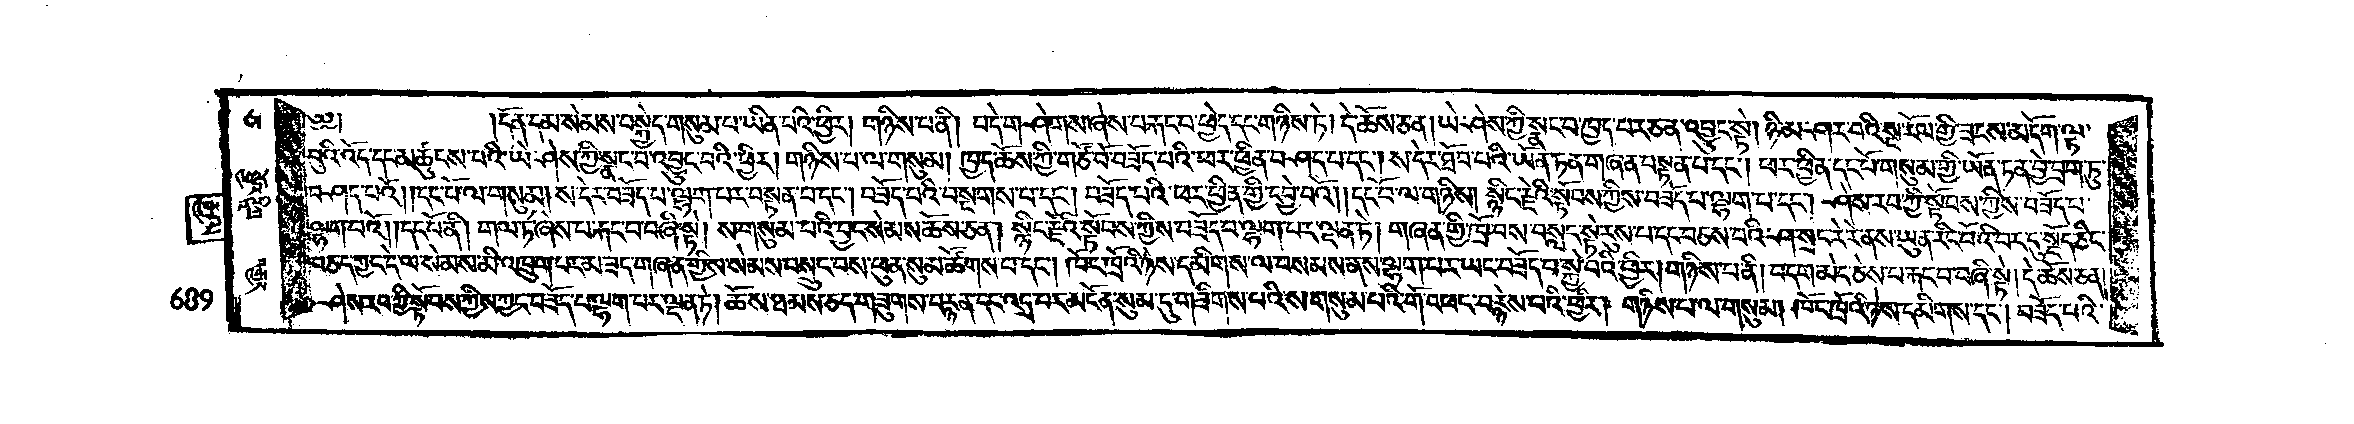༄༅། །དོན་དམ་སེམས་བསྐྱེད་གསུམ་པ་ཡིན་པའི་ཕྱིར། གཉིས་པ་ནི། བདེ་གཤེགས་ཞེས་པ་རྐང་པ་ཕྱེད་དང་གཉིས་ཏེ། དེ་ཆོས་ཅན། ཡེ་ཤེས་ཀྱི་སྣང་བ་ཁྱད་པར་ཅན་འབྱུང་སྟེ། ཉི་མ་ཤར་བའི་སྔ་རོལ་གྱི་ཟངས་མདོག་ལྟ་
བུའི་འོད་དང་མཚུངས་པའི་ཡེ་ཤེས་ཀྱི་སྣང་བ་འབྱུང་བའི་ཕྱིར། གཉིས་པ་ལ་གསུམ། ཁྱད་ཆོས་ཀྱི་གཙོ་བོ་བཟོད་པའི་ཕར་ཕྱིན་བཤད་པ་དང་། ས་དེར་ཐོབ་པའི་ཡོན་ཏན་གཞན་བསྟན་པ་དང་། ཕར་ཕྱིན་དང་པོ་གསུམ་གྱི་ཡོན་ཏན་བྱེ་བྲག་ཏུ་
བཤད་པའོ། །དང་པོ་ལ་གསུམ། ས་དེར་བཟོད་པ་ལྷག་པར་བསྟན་པ་དང་། བཟོད་པའི་བསྔགས་པ་དང་། བཟོད་པའི་ཕར་ཕྱིན་གྱི་དབྱེ་བའོ། །དང་པོ་ལ་གཉིས། སྙིང་རྗེའི་སྟོབས་ཀྱིས་བཟོད་པ་ལྷག་པ་དང་། ཤེས་རབ་ཀྱི་སྟོབས་ཀྱིས་བཟོད་པ་
ལྷག་པའོ། །དང་པོ་ནི། གལ་ཏེ་ཞེས་པ་རྐང་པ་བཞི་སྟེ། ས་གསུམ་པའི་བྱང་སེམས་ཆོས་ཅན། སྙིང་རྗེའི་སྟོབས་ཀྱིས་བཟོད་པ་ལྷག་པར་ལྡན་ཏེ། གཞན་གྱི་ཁྲོ་བས་བསླད་སྟེ་རུས་པ་དང་བཅས་པའི་ཤ་སྲང་རེ་རེ་ནས་ཡུན་རིང་བོའི་བར་དུ་སྡོད་ཅིང་
བཅད་ཀྱང་དེ་ལ་སེམས་མི་འཁྲུག་པར་མ་ཟད་གཞན་གྱིས་སེམས་བསྲུང་བས་ཕུན་སུམ་ཚོགས་པ་དང་། ཁོང་ཁྲོའི་ཉེས་དམིགས་ལ་བསམས་ནས་ལྷག་པར་ཡང་བཟོད་པ་སྐྱེ་བའི་ཕྱིར། གཉིས་པ་ནི། བདག་མེད་ཅེས་པ་རྐང་པ་བཞི་སྟེ། དེ་ཆོས་ཅན།
ཤེས་རབ་ཀྱི་སྟོབས་ཀྱིས་ཀྱང་བཟོད་པ་ལྷག་པར་ལྡན་ཏེ། ཆོས་ཐམས་ཅད་གཟུགས་བརྙན་དང་འདྲ་བར་མངོན་སུམ་དུ་གཟིགས་པའི་ས་གསུམ་པའི་གོ་འཕང་བརྙེས་པའི་ཕྱིར། གཉིས་པ་ལ་གསུམ། ཁོང་ཁྲོའི་ཉེས་དམིགས་དང་། བཟོད་པའི་